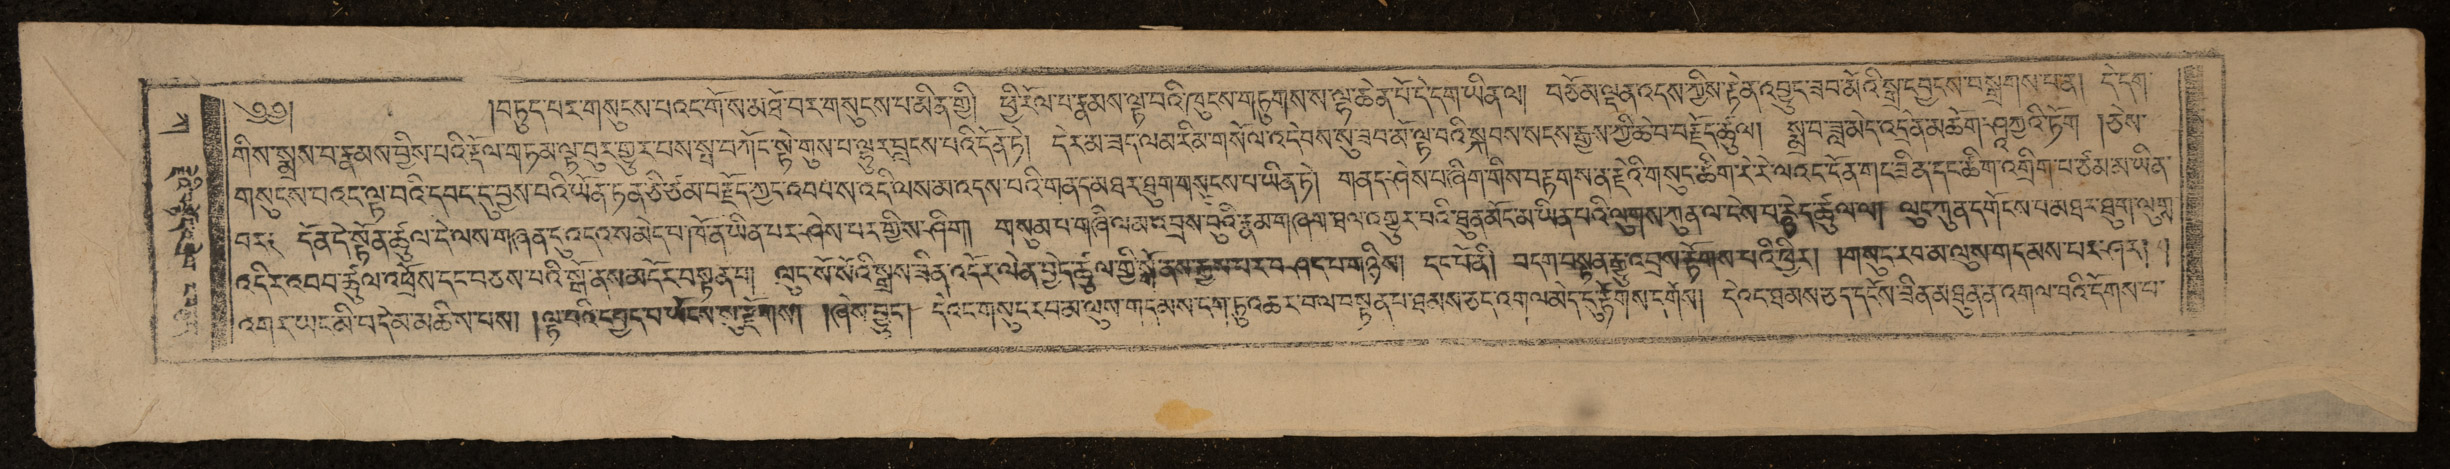༄༅། །བཏུང་བར་གསུངས་པའང་གོས་མཐོ་བར་གསུངས་པ་མིན་གྱི། ཕྱི་རོལ་པ་རྣམས་ལྟ་བའི་ཁུངས་གཏུགས་ལྷ་ཆེན་པོ་དེ་དག་ཡིན་ལ། བཅོམ་ལྡན་འདས་ཀྱིས་རྟེན་འབྱུང་ཟབ་མོའི་སྒྲ་དབྱངས་བསྒྲགས་པ་ན། དེ་དག་
གིས་སྨྲས་པ་རྣམས་བྱིས་པའི་རྡོལ་གཏམ་ལྟ་བུར་གྱུར་པས་སྤ་བཀོང་སྟེ་གུས་བ་ལྷུར་བླངས་པའི་དོན་ཏེ། དེར་མ་ཟད་ལམ་རིམ་གསོལ་འདེབས་སུ་ཟབ་མོ་ལྟ་བའི་སྐབས་སངས་རྒྱས་ཀྱི་ཆེ་བ་བརྗོད་ཚུལ། སྨྲ་བ་ཟླ་མེད་འདྲེན་མཆོག་ཤཱཀྱའི་ཏོག །ཅེས་
གསུངས་པའང་ལྟ་བའི་དབང་དུ་བྱས་པའི་ཡོན་ཏན་ཅི་ཙམ་བརྗོད་ཀྱང་འབབ་ས་འདི་ལས་མ་འདས་པའི་གནད་མཐར་ཐུག་གསུངས་པ་ཡིན་ཏེ། གནད་ཤེས་པ་ཞིག་གིས་བརྟགས་ན་རྗེའི་གསུང་ཚིག་རེ་རེ་ལའང་དོན་གང་ཟིན་དང་ཚིག་འགྲིག་པ་ཙམ་མ་ཡིན་
བར༑ དོན་དེ་སྟོན་ཚུལ་དེ་ལས་གཞན་དུ་འདའ་ས་མེད་པ་ཁོ་ན་ཡིན་པར་ཤེས་པར་གྱིས་ཤིག། གསུམ་པ་གཞི་ལམ་འབྲས་བུའི་རྣམ་གཞག་ཐལ་འགྱུར་བའི་ཐུན་མོང་མ་ཡིན་པའི་ལུགས་ཀུན་ལ་ངེས་བརྙེད་ཚུལ་ལ། ལུང་ཀུན་དགོངས་པ་མཐར་ཐུག་ལུགས་
འདིར་འབབ་ཚུལ་འཕྲོས་དང་བཅས་པའི་སྒོ་ནས་མདོར་བསྟན་པ། ལུང་སོ་སོའི་སྒྲས་ཟིན་འདོར་ལེན་བྱེད་ཚུལ་གྱི་སྒོ་ནས་རྒྱས་པར་བཤད་པ་གཉིས། དང་པོ་ནི། བདག་བསྟན་རྒྱུ་འབྲས་རྟོགས་པའི་ཕྱིར། །གསུང་རབ་མ་ལུས་གདམས་པར་ཤར། །
འགར་ཡང་མི་བདེམ་མཆིས་བས། །ལྟ་བའི་དབྱད་པ་ཡོངས་སུ་རྫོགས། །ཞེས་བྱུང་། དེའང་གསུང་རབ་མ་ལུས་གདམས་ངག་ཏུ་འཆར་བ་ལ་བསྟན་པ་ཐམས་ཅད་བ་གལ་མེད་དུ་རྟོགས་དགོས། དེའང་ཐམས་ཅད་དངོས་ཟིན་མཐུན་འགལ་བའི་དོགས་པ་